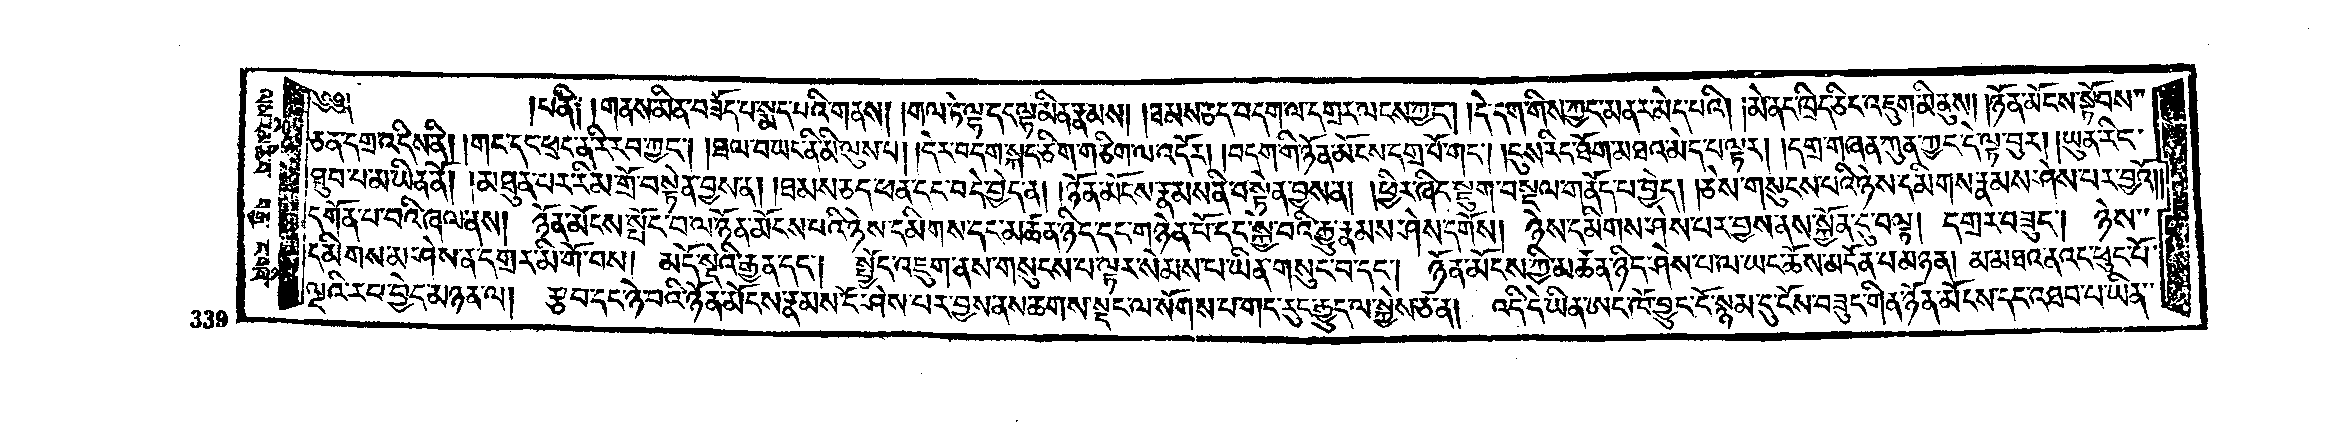༄༅། །པ་ནི༑ ༑གནས་མིན་བཟོད་པ་སྨད་པའི་གནས། །གལ་ཏེ་ལྷ་དང་ལྷ་མིན་རྣམས། །ཐམས་ཅད་བདག་ལ་དགྲར་ལངས་ཀྱང་། །དེ་དག་གིས་ཀྱང་མནར་མེད་པའི། །མེ་ནང་ཁྲིད་ཅིང་འཇུག་མི་ནུས། །ཉོན་མོངས་སྟོབས་
ཅན་དགྲ་འདིས་ནི། །གང་དང་ཕྲང་ན་རི་རབ་ཀྱང་། །ཐལ་བ་ཡང་ནི་མི་ལུས་པ། །དེར་བདག་སྐད་ཅིག་གཅིག་ལ་འདོར། །བདག་གི་ཉོན་མོངས་དགྲ་བོ་གང་། །དུས་རིང་ཐོག་མཐའ་མེད་པ་ལྟར། །དགྲ་གཞན་ཀུན་ཀྱང་དེ་ལྟ་བུར། །ཡུན་རིང་
ཐུབ་པ་མ་ཡིན་ནོ། །མཐུན་པར་རིམ་གྲོ་བསྟེན་བྱས་ན། །ཐམས་ཅད་ཕན་དང་བདེ་བྱེད་ན། །ཉོན་མོངས་རྣམས་ནི་བསྟེན་བྱས་ན། །ཕྱིར་ཞིང་སྡུག་བསྔལ་གནོད་པ་བྱེད། །ཅེས་གསུངས་པའི་ཉེས་དམིགས་རྣམས་ཤེས་པར་བྱའོ། །
དགོན་པ་བའི་ཞལ་ནས། ཉོན་མོངས་སྤོང་བ་ལ་ཉོན་མོངས་པའི་ཉེས་དམིགས་དང་མཚན་ཉིད་དང་གཉེན་པོ་དང་སྐྱེ་བའི་རྒྱུ་རྣམས་ཤེས་དགོས། ཉེས་དམིགས་ཤེས་པར་བྱས་ནས་སྐྱོན་དུ་བལྟ། དགྲར་བཟུང་། ཉེས་
དམིགས་མ་ཤེས་ན་དགྲར་མི་གོ་བས། མདོ་སྡེའི་རྒྱན་དང་། སྤྱོད་འཇུག་ནས་གསུངས་པ་ལྟར་སེམས་པ་ཡིན་གསུངས་བ་དང་། ཉོན་མོངས་ཀྱི་མཚན་ཉིད་ཤེས་པ་ལ་ཡང་ཆོས་མངོན་པ་མཉན། མ་མཐའ་ནའང་ཕུང་པོ་
ལྔའི་རབ་བྱེད་མཉན་ལ། རྩ་བ་དང་ཉེ་བའི་ཉོན་མོངས་རྣམས་ངོ་ཤེས་པར་བྱས་ནས་ཆགས་སྡང་ལ་སོགས་པ་གང་རུང་རྒྱུད་ལ་སྐྱེས་ཙ་ན། འདི་དེ་ཡིན་ཨང་ཁོ་བྱུང་ངོ་སྙམ་དུ་ངོས་བཟུང་གིན་ཉོན་མོངས་དང་འཐབ་པ་ཡིན་